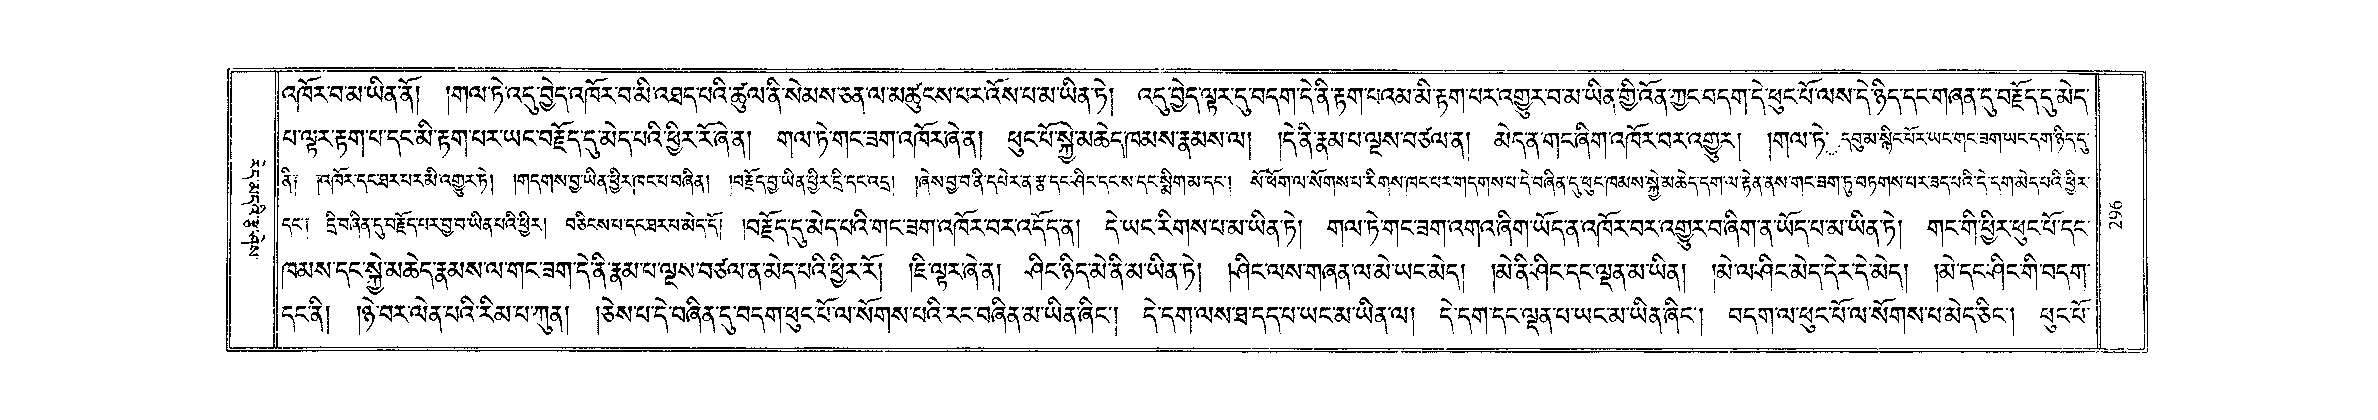འཁོར་བ་མ་ཡིན་ནོ། །གལ་ཏེ་འདུ་བྱེད་འཁོར་བ་མི་འཐད་པའི་ཚུལ་ནི་སེམས་ཅན་ལ་མཚུངས་པར་འོས་པ་མ་ཡིན་ཏེ། འདུ་བྱེད་ལྟར་དུ་བདག་དེ་ནི་རྟག་པའམ་མི་རྟག་པར་འགྱུར་བ་མ་ཡིན་གྱི་འོན་ཀྱང་བདག་དེ་ཕུང་པོ་ལས་དེ་ཉིད་དང་གཞན་དུ་བརྗོད་དུ་མེད་
པ་ལྟར་རྟག་པ་དང་མི་རྟག་པར་ཡང་བརྗོད་དུ་མེད་པའི་ཕྱིར་རོ་ཞེ་ན། གལ་ཏེ་གང་ཟག་འཁོར་ཞེ་ན། ཕུང་པོ་སྐྱེ་མཆེད་ཁམས་རྣམས་ལ། །དེ་ནི་རྣམ་པ་ལྔས་བཙལ་ན། མེད་ན་གང་ཞིག་འཁོར་བར་འགྱུར། །གལ་ཏེ་དབུ་མ་སྙིང་པོར་ཡང་གང་ཟག་ཡང་དག་ཉིད་དུ་
ནི༑ ༑འཁོར་དང་ཐར་པར་མི་འགྱུར་ཏེ། །གདགས་བྱ་ཡིན་ཕྱིར་ཁང་པ་བཞིན། །བརྗོད་བྱ་ཡིན་ཕྱིར་དྲི་དང་འདྲ། །ཞེས་བྱ་བ་ནི་དཔེར་ན་རྩ་དང་ཤིང་དང་ས་དང་སྨིག་མ་དང་། སོ་ཕོག་ལ་སོགས་པ་རིགས་ཁང་པར་གདགས་པ་དེ་བཞིན་དུ་ཕུང་ཁམས་སྐྱེ་མཆེད་དག་ལ་རྟེན་ནས་གང་ཟག་ཏུ་བཏགས་པར་ཟད་པའི་དེ་དག་མེད་པའི་ཕྱིར་
དང༑ དྲི་བཞིན་དུ་བརྗོད་པར་བྱ་བ་ཡིན་པའི་ཕྱིར། བཅིངས་པ་དང་ཐར་པ་མེད་དོ། །བརྗོད་དུ་མེད་པའི་གང་ཟག་འཁོར་བར་འདོད་ན། དེ་ཡང་རིགས་པ་མ་ཡིན་ཏེ། གལ་ཏེ་གང་ཟག་འགའ་ཞིག་ཡོད་ན་འཁོར་བར་འགྱུར་བ་ཞིག་ན་ཡོད་པ་མ་ཡིན་ཏེ། གང་གི་ཕྱིར་ཕུང་པོ་དང་
ཁམས་དང་སྐྱེ་མཆེད་རྣམས་ལ་གང་ཟག་དེ་ནི་རྣམ་པ་ལྔས་བཙལ་ན་མེད་པའི་ཕྱིར་རོ། །ཇི་ལྟར་ཞེ་ན། ཤིང་ཉིད་མེ་ནི་མ་ཡིན་ཏེ། །ཤིང་ལས་གཞན་ལ་མེ་ཡང་མེད། །མེ་ནི་ཤིང་དང་ལྡན་མ་ཡིན། །མེ་ལ་ཤིང་མེད་དེར་དེ་མེད། །མེ་དང་ཤིང་གི་བདག་
དང་ནི། །ཉེ་བར་ལེན་པའི་རིམ་པ་ཀུན། །ཅེས་པ་དེ་བཞིན་དུ་བདག་ཕུང་པོ་ལ་སོགས་པའི་རང་བཞིན་མ་ཡིན་ཞིང་། དེ་དག་ལས་ཐ་དད་པ་ཡང་མ་ཡིན་ལ། དེ་དག་དང་ལྡན་པ་ཡང་མ་ཡིན་ཞིང་། བདག་ལ་ཕུང་པོ་ལ་སོགས་པ་མེད་ཅིང་། ཕུང་པོ་